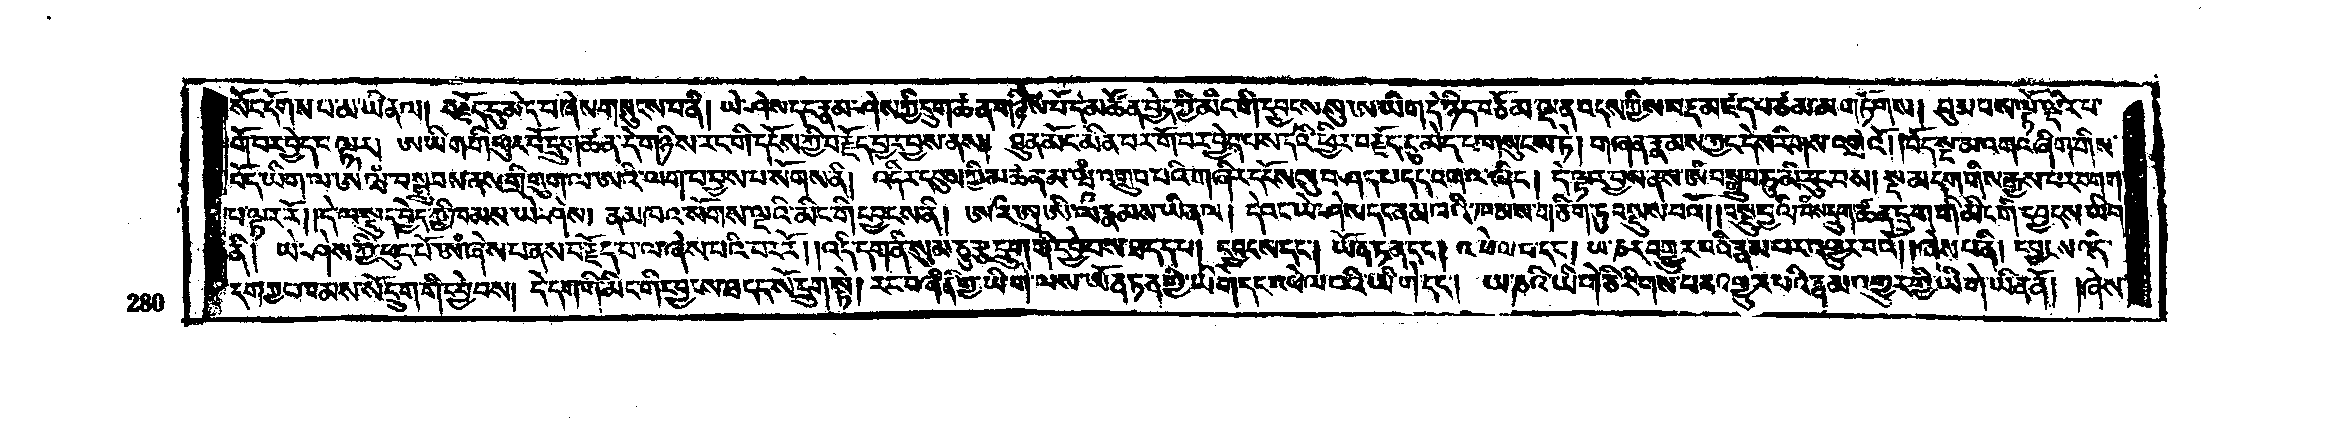སོང་དོགས་པ་མ་ཡིན་ལ། བརྗོད་དུ་མེད་པ་ཞེས་གསུངས་པ་ནི། ཡེ་ཤེས་དང་རྣམ་ཤེས་ཀྱི་དྲུག་ཚན་གཉིས་པོ་དེ་མཚོན་བྱེད་ཀྱི་མིང་གི་དབྱངས་སུ་ཨ་ཡིག་དེ་ཉིད་བཅོམ་ལྡན་འདས་ཀྱིས་བརྡ་མཛད་པ་ཙམ་མ་གཏོགས། བུམ་པས་ལྟོ་ལྡིར་པ་
གོ་བར་བྱེད་པ་ལྟར། ཨ་ཡིག་གི་ཕུང་པོ་དྲུག་ཚན་དེ་གཉིས་རང་གི་དངོས་ཀྱི་བརྗོད་བྱར་བྱས་ནས། ཐུན་མོང་མིན་པར་གོ་བར་བྱེད་པས་དེའི་ཕྱིར་བརྗོད་དུ་མེད་པ་གསུངས་ཏེ། གཞན་རྣམས་ཀྱང་དེས་རིགས་འགྲེའོ། །བོད་སྔ་མ་འགའ་ཞིག་གིས་
བོད་ཡིག་ལ་ཨེ་ཝཾ་བསྒྲུབས་ནས་གྲི་གུག་ལ་ཨཱི་ལག་པ་བྱས་པ་སོགས་ནི། འདིར་དབུས་ཀྱི་མཚན་མ་ཝཾ་འགྲུབ་པའི་གཞིར་དངོས་སུ་བཤད་པ་དད་འགལ་ཞིང་། དེ་ལྟར་བྱས་ནས་ཨཾ་བསྒྲུབ་ཏུ་མི་རུང་བས། སྔ་མ་དག་གིས་རྒྱས་པར་བཀག་
པ་ལྟར་རོ། །དེ་ལ་སྡུད་བྱེད་ཀྱི་ཁམས་ཡེ་ཤེས། ནམ་མཁའ་སོགས་ལྔའི་མིང་གི་དབྱངས་ནི། ཨ་རྀ་ཨུ་ཨི་ལི་རྣམས་ཡིན་ལ། དེའང་ཡེ་ཤེས་དང་ནམ་མཁའི་ཁམས་གཅིག་ཏུ་བསྡུས་པའོ། །བསྡུ་བྱའི་ཁམས་དྲུག་ཚན་དྲུག་གི་མིང་གི་དབྱངས་ཡིག་
ནི། ཡེ་ཤེས་ཀྱི་ཕུང་པོ་ཨཾ་ཞེས་པ་ནས་བརྗོད་པ་ལ་ཞེས་པའི་བར་རོ། །འདི་དག་ནི་སུམ་ཅུ་རྩ་དྲུག་གི་དབྱེ་བས་ཐ་དད་པ། དབྱངས་དང་། ཡོན་ཏན་དང་། འཕེལ་བ་དང་། ཡ་ཎར་བསྒྱུར་བའི་རྣམ་པར་འགྱུར་བའོ། །ཞེས་པ་ནི། དབྱངས་འདི་
དག་ཀྱང་ཁམས་སོ་དྲུག་གི་དབྱེ་བས། དེ་དག་གི་མིང་གི་དབྱངས་ཐ་དད་སོ་དྲུག་སྟེ། རང་བཞིན་གྱི་ཡི་གེ་ལས་ཡོན་ཏན་གྱི་ཡི་གེ་དང་འཕེལ་བའི་ཡི་གེ་དང་། ཡ་ཎའི་ཡི་གེ་ཅི་རིགས་པར་བསྒྱུར་བའི་རྣམ་འགྱུར་གྱི་ཡི་གེ་ཡིན་ནོ། །ཞེས་
ད་